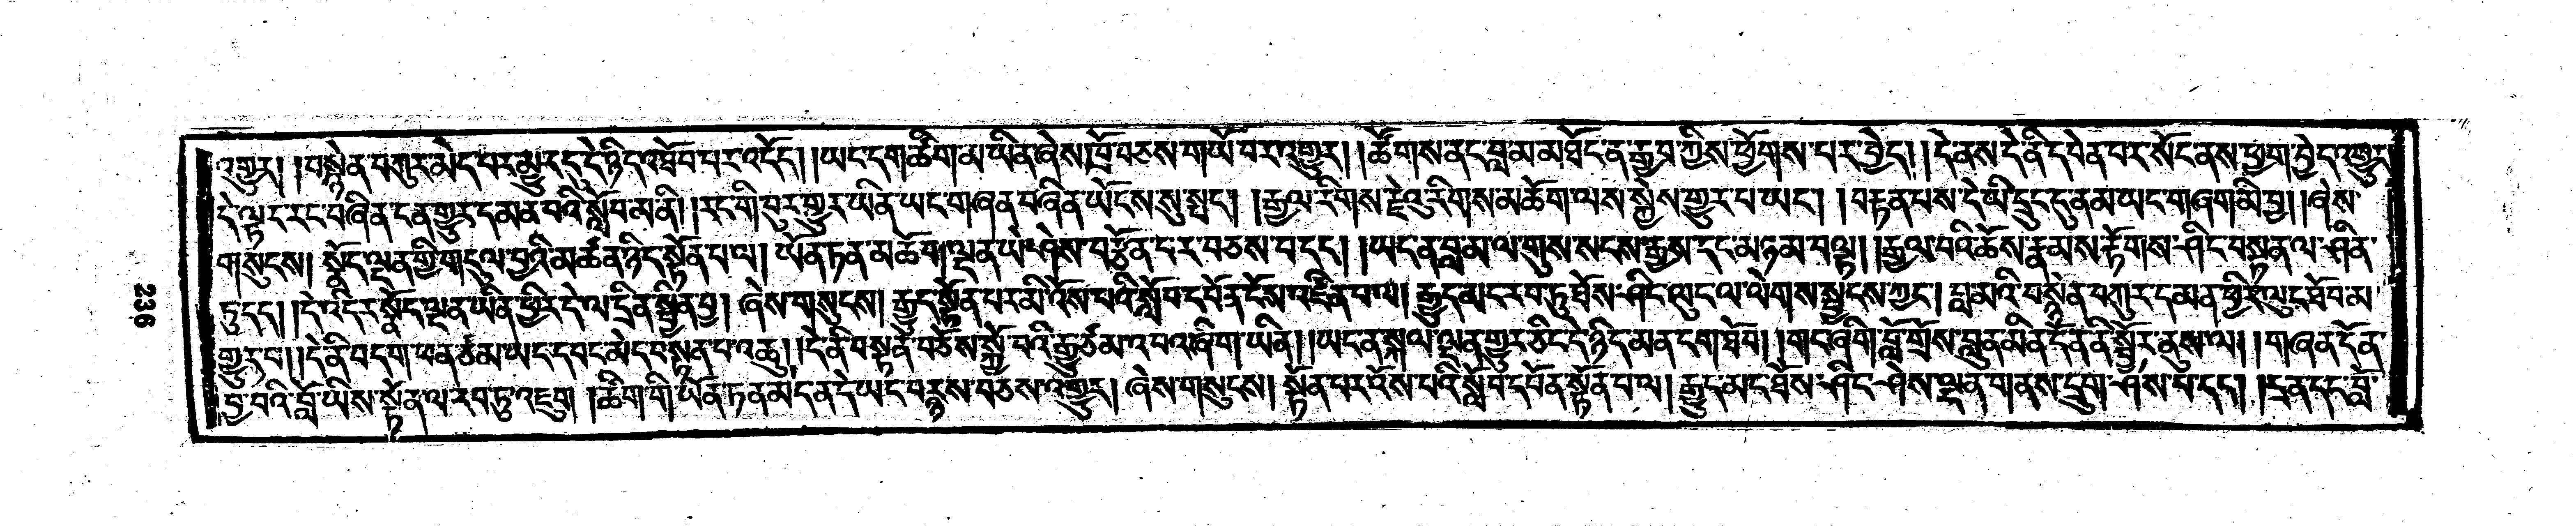འགྱུར། །བསྙེན་བཀུར་མེད་པར་མྱུར་དུ་དེ་ཉིད་འཐོབ་པར་འདོད། །ཡང་དག་ཚིག་མ་ཡིན་ཞེས་ཁྲོ་བཅས་གཡོ་བར་འགྱུར། །ཚོགས་ནང་བླ་མ་མཐོང་ན་རྒྱབ་ཀྱིས་ཕྱོགས་པར་བྱེད། །དེ་ནས་དེ་ནི་དབེན་པར་སོང་ནས་ཕྱག་བྱེད་འགྱུར་
དེ་ལྟར་རང་བཞིན་ངན་གྱུར་དམན་པའི་སློབ་མ་ནི། །རང་གི་བུར་གྱུར་ཡིན་ཡང་གཞན་བཞིན་ཡོངས་སུ་སྤང་། །རྒྱལ་རིགས་རྗེའུ་རིགས་མཆོག་ལས་སྐྱེས་པར་གྱུར་པ་ཡང་། །བརྟན་པས་དེ་ཡི་དྲུང་དུ་ནམ་ཡང་གཞག་མི་བྱ། །ཞེས་
གསུངས། སྣོད་ལྡན་གྱི་གདུལ་བྱའི་མཚན་ཉིད་སྟོན་པ་ལ། ཡོན་ཏན་མཆོག་ལྡན་ཡེ་ཤེས་བརྩོན་པར་བཅས་པ་དང་། །ཡང་ན་བླ་མ་ལ་གུས་སངས་རྒྱས་དང་མཉམ་བལྟ། །རྒྱལ་བའི་ཆོས་རྣམས་རྟོགས་ཤིང་བསྟན་ལ་ཤིན་
ཏུ་དད། །དེ་འདིར་སྣོད་ལྡན་ཡིན་ཕྱིར་དེ་ལ་དྲིན་སྦྱིན་བྱ། ཞེས་གསུངས། རྒྱུད་སྟོན་པར་མི་འོས་པའི་སློབ་དཔོན་ངོས་འཛིན་པ་ལ། རྒྱུད་མང་རབ་ཏུ་ཐོས་ཤིང་ལུང་ལ་ལེགས་སྦྱངས་ཀྱང་། བླ་མའི་བསྙེན་བཀུར་དམན་ཕྱིར་ལུང་ཐོབ་མ་
གྱུར་པ། །དེ་ནི་བདག་ཕན་ཙམ་ཡང་དབང་མེད་བསྟན་པ་འཆུ། །དེ་ནི་བསྟན་བཅོས་སྐྱོ་བའི་རྒྱུ་ཙམ་འབའ་ཞིག་ཡིན། །ཡང་ན་སྐལ་ལྡན་གྱུར་ཅིང་དེ་ཉིད་མན་ངག་ཐོབ། །གང་ཞིག་བློ་གྲོས་བླུན་མིན་དོན་ནི་སྤྱོར་ནུས་ལ། །གཞན་དོན་
བྱ་བའི་བློ་ཡིས་སྟོན་ལ་རབ་ཏུ་འཇུག །ཚིག་གི་ཡོན་ཏན་མེད་ན་དེ་ཡང་བརྙས་བཅས་འགྱུར། ཞེས་གསུངས། སྟོན་པར་འོས་པའི་སློབ་དཔོན་སྟོན་པ་ལ། རྒྱུད་མང་ཐོས་ཤིང་ཤེས་ལྡན་གནས་དྲུག་ཤེས་པ་དང་། །དྲན་དང་བློ་